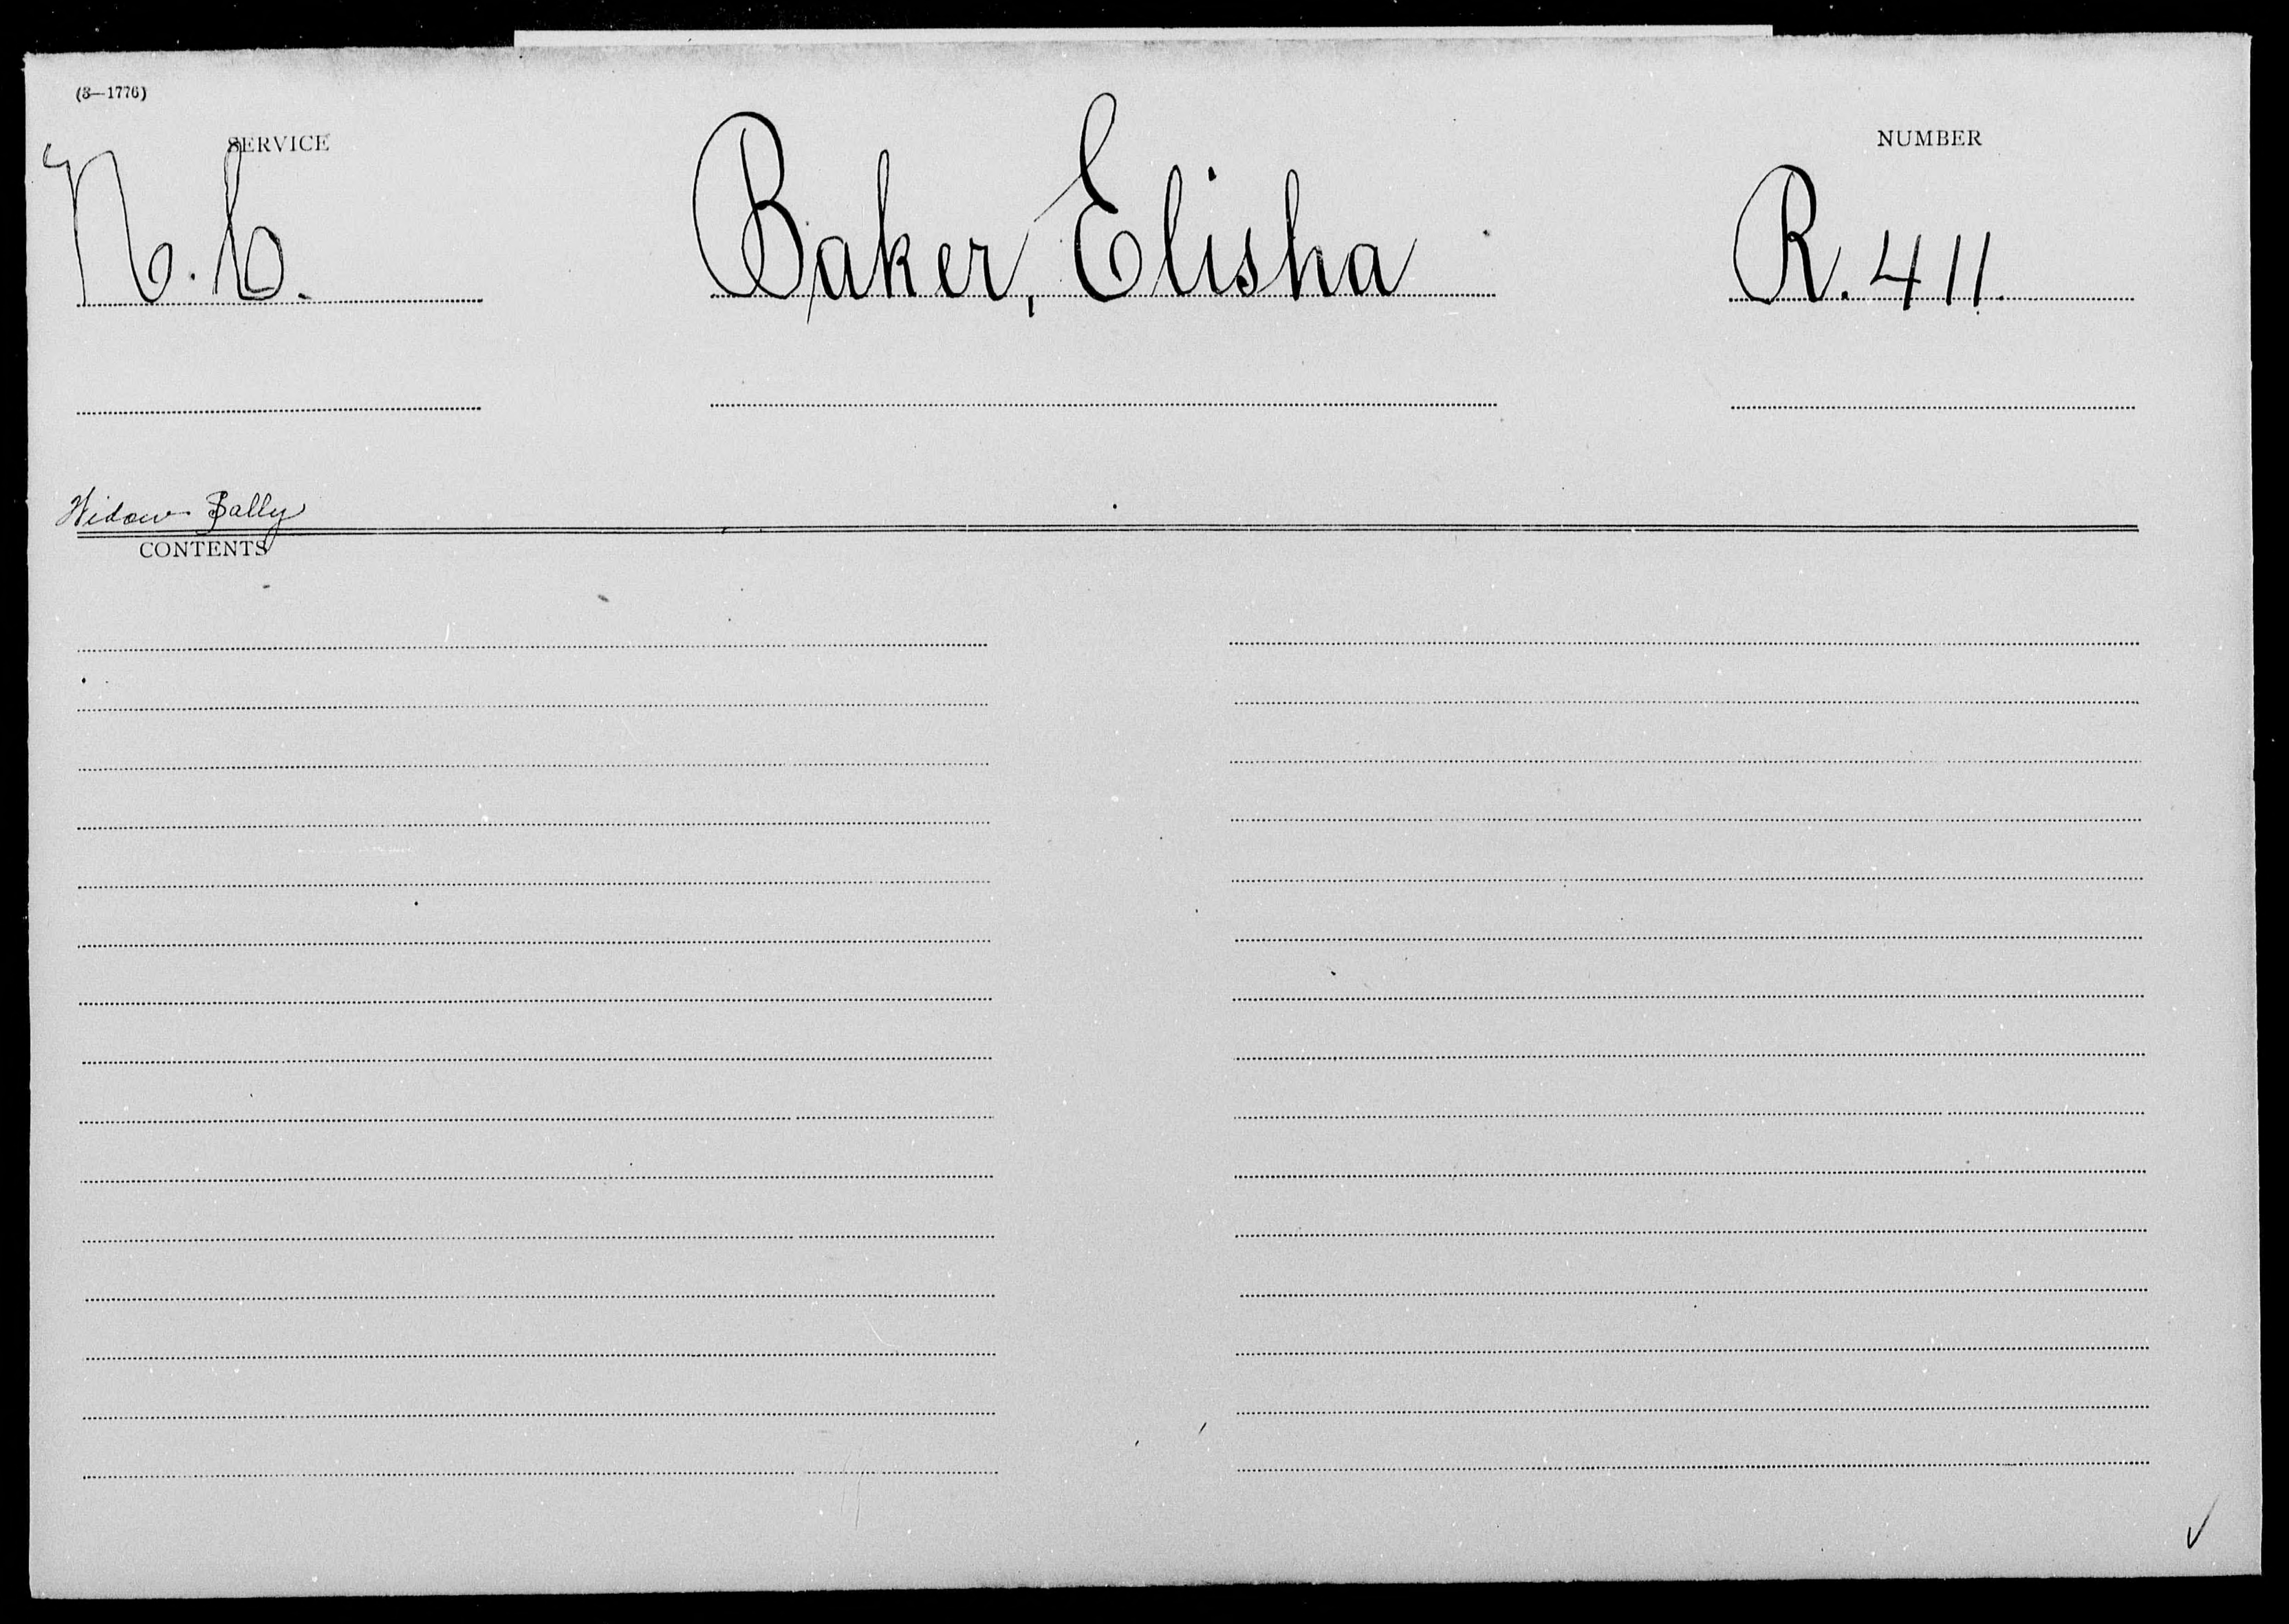(3-1776)
SERVICE
N.C.---NUMBER

Baker, Elisha----R.411.
---------------------
Widow Sally
------------------------
--------------------------
CONTENTS
-----
-----
-----
-----
-----
-----
-----
-----
------
------
------
------
------
------
------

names: Sally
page: 1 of 22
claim: rejected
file: R. 411, Elisha Baker, N.C.